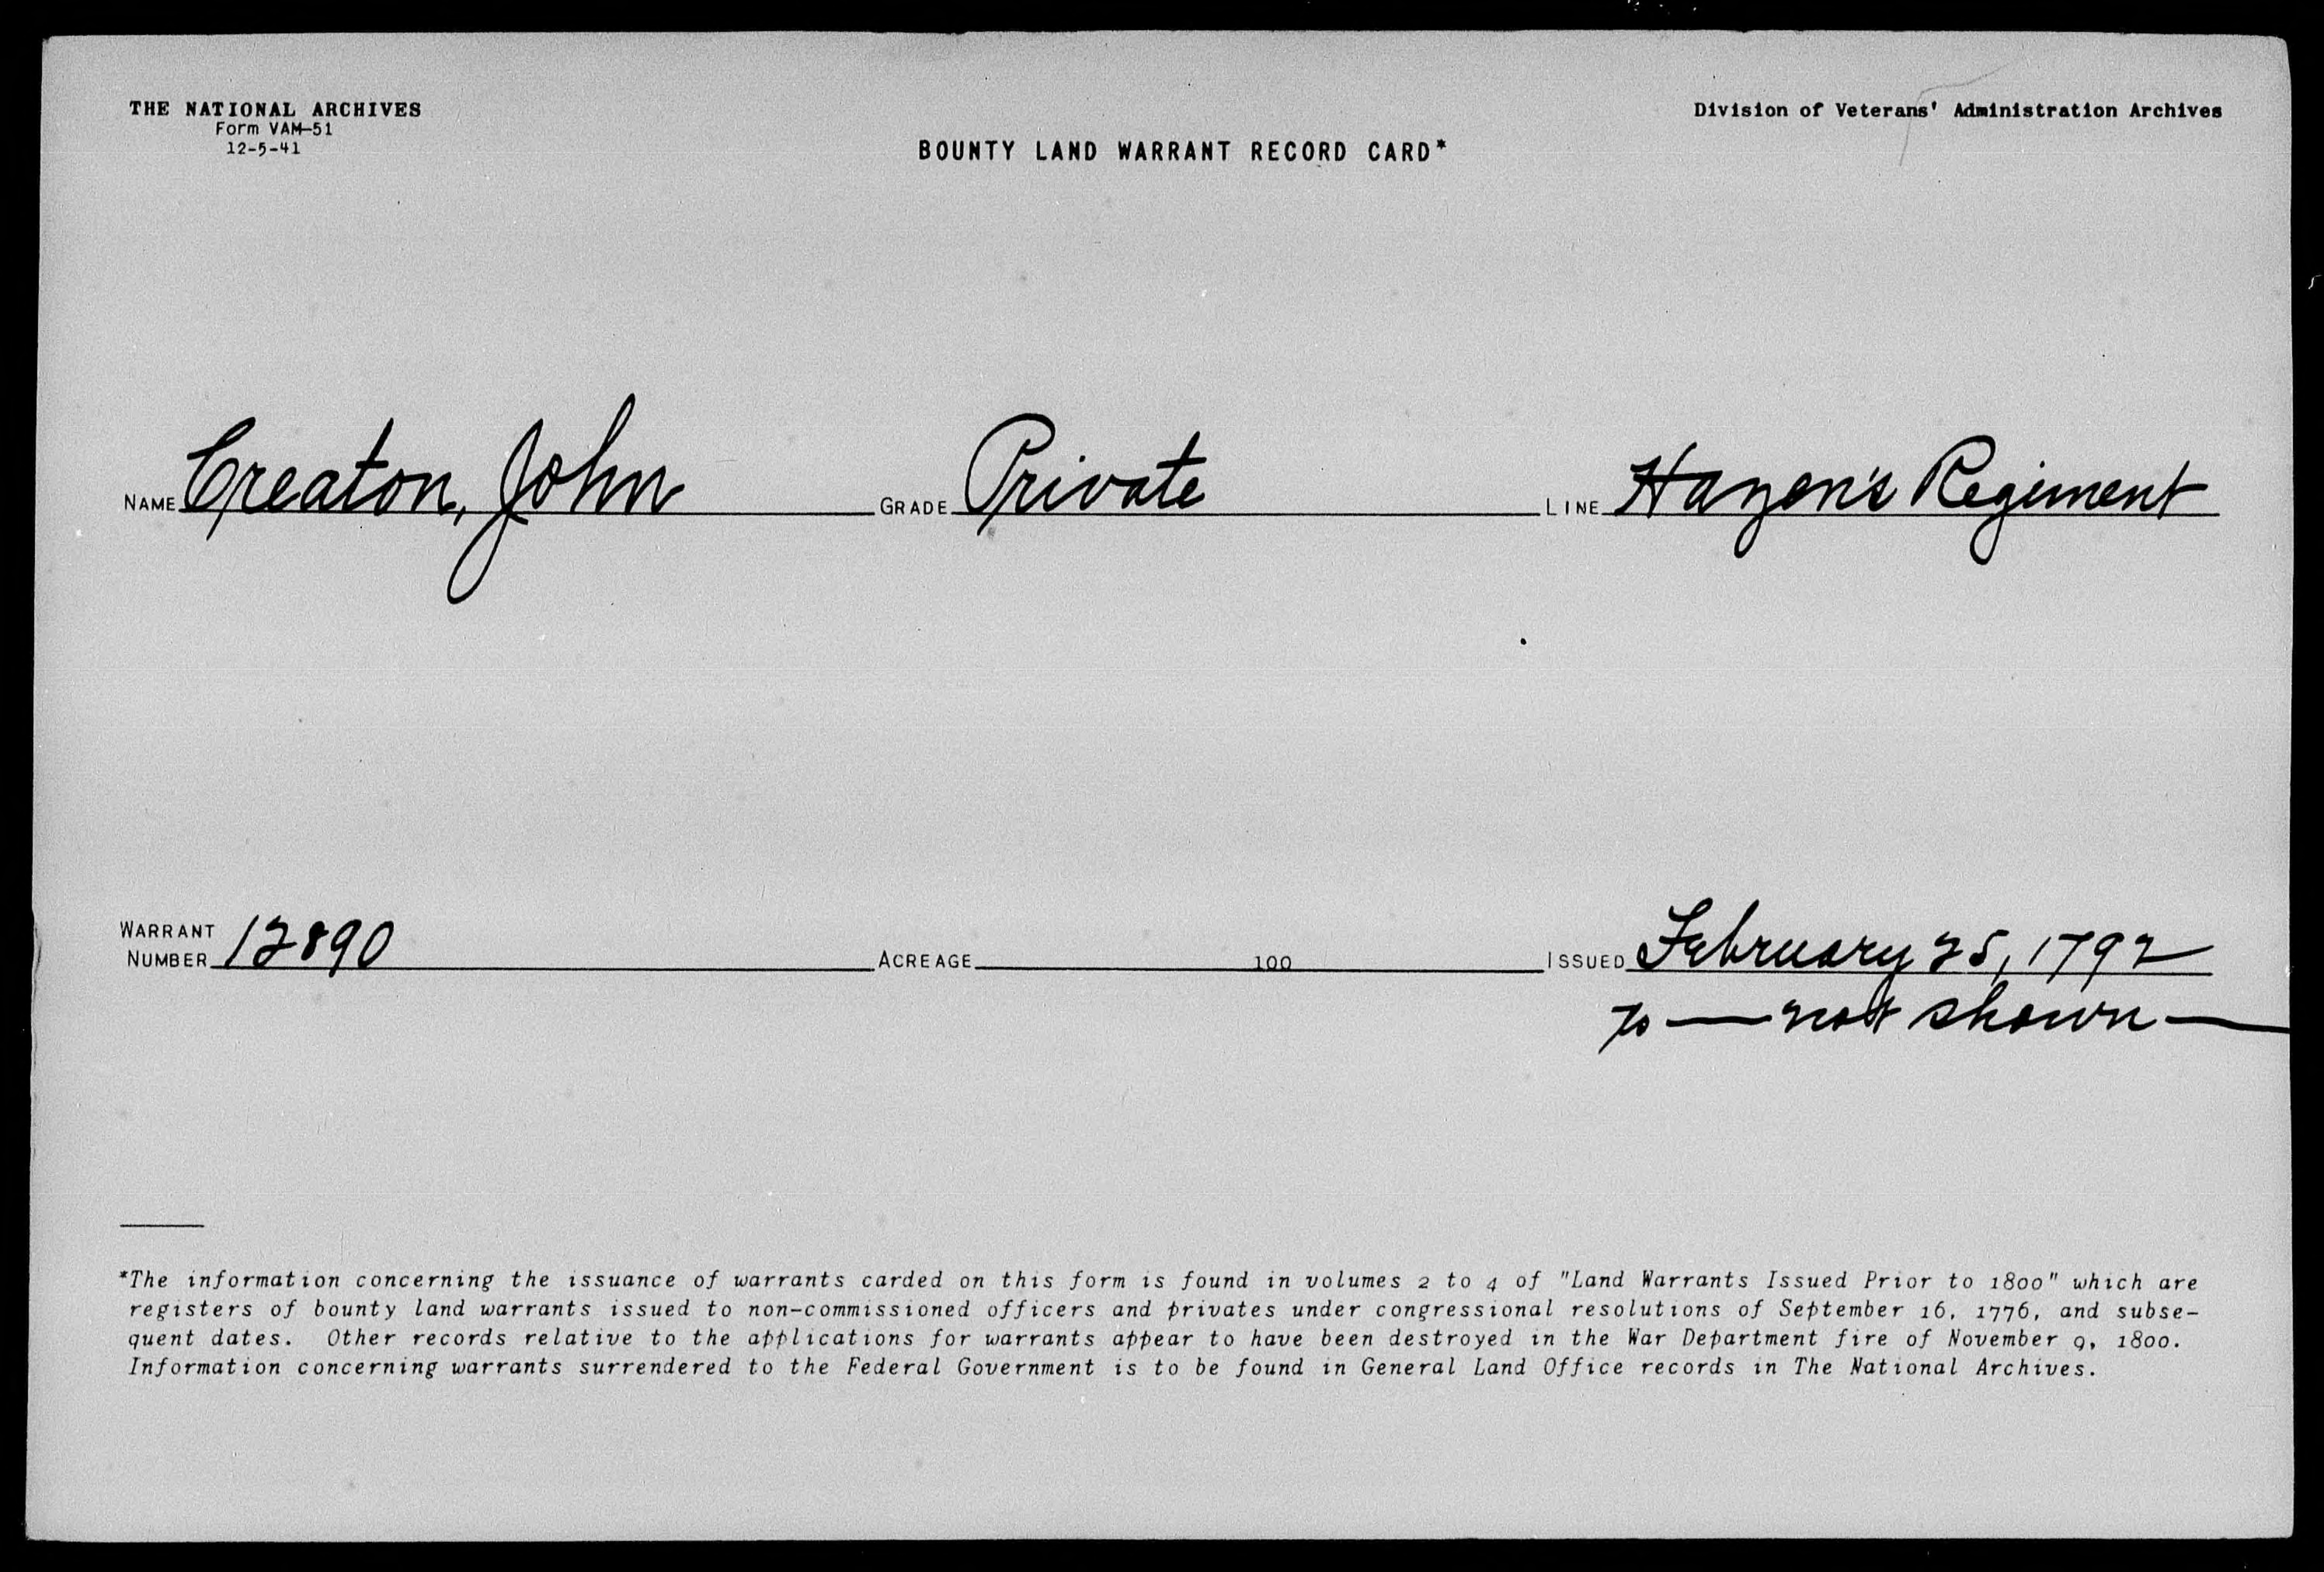[printed form, handwritten responses]
The National Archives 
Form VAM-51 
12-5-41

BOUNTY LAND WARRANT RECORD CARD*

Division of Veterans' Administration Archives 

Name: Creaton, John 
Grade: Private 
Line: Hazen's Regiment 

Warrant Number: 12890  
Acreage: 100  
Issued February 25, 1792 
to--not shown--

*The information concerning the issuance of warrants carded on this form is found in volumes 2 to 4 of "Land Warrants Issued Prior to 1800" which are
registers of bounty land warrants issued to non-commissioned officers and privates under congressional resolutions of September 16, 1776, and subse-
quent dates.  Other records relative to the applications for warrants appear to have been destroyed in the War Department fire of November 8, 1800.
Information concerning warrants surrendered to the Federal Government is to be found in General Land Office records in The National Archives.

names: John Creaton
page: 15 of 16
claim: survivor's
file: S. 37,877, John Creasey, Va.